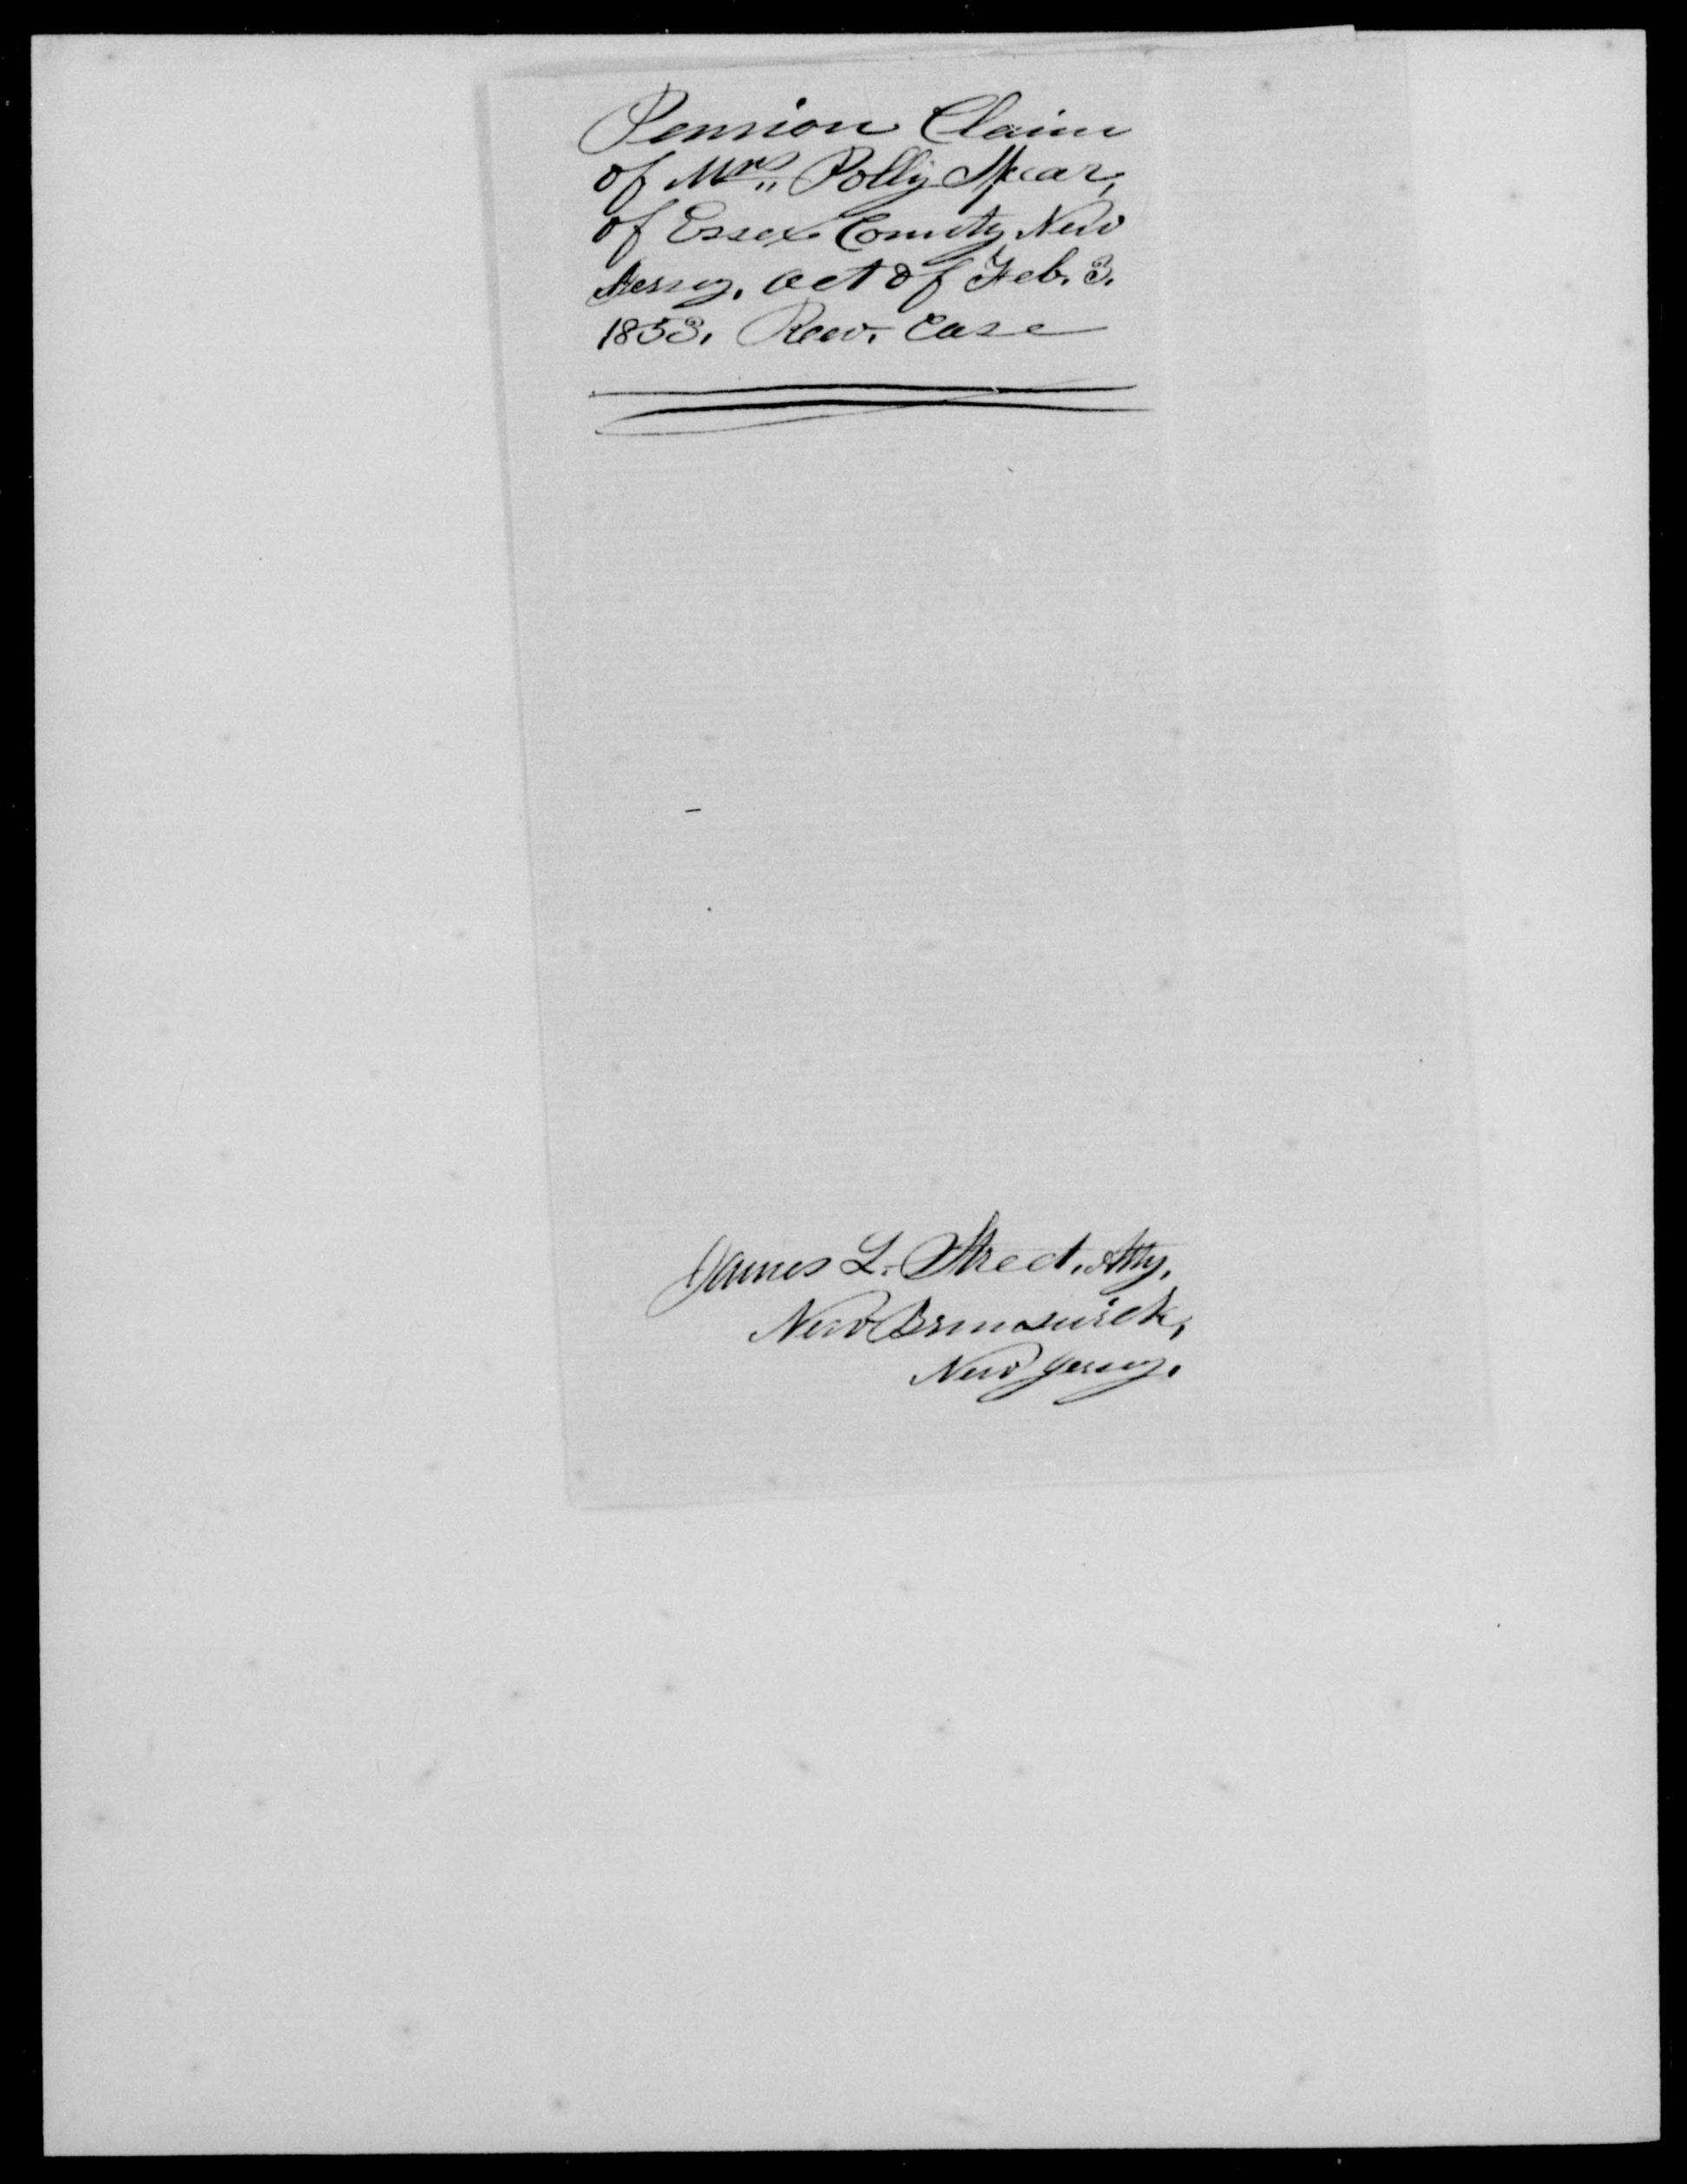Pension Claim
of Mr Polly Spear,
of Essex County New Jersey
, act of Feb 3
1853. Rev. Case
James L. Street. Atty.
New Brunswick,
New Jersey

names: James L Street; Polly Spear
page: 46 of 65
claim: widow's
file: W. 7197, for Jonathan Spear, Vermont